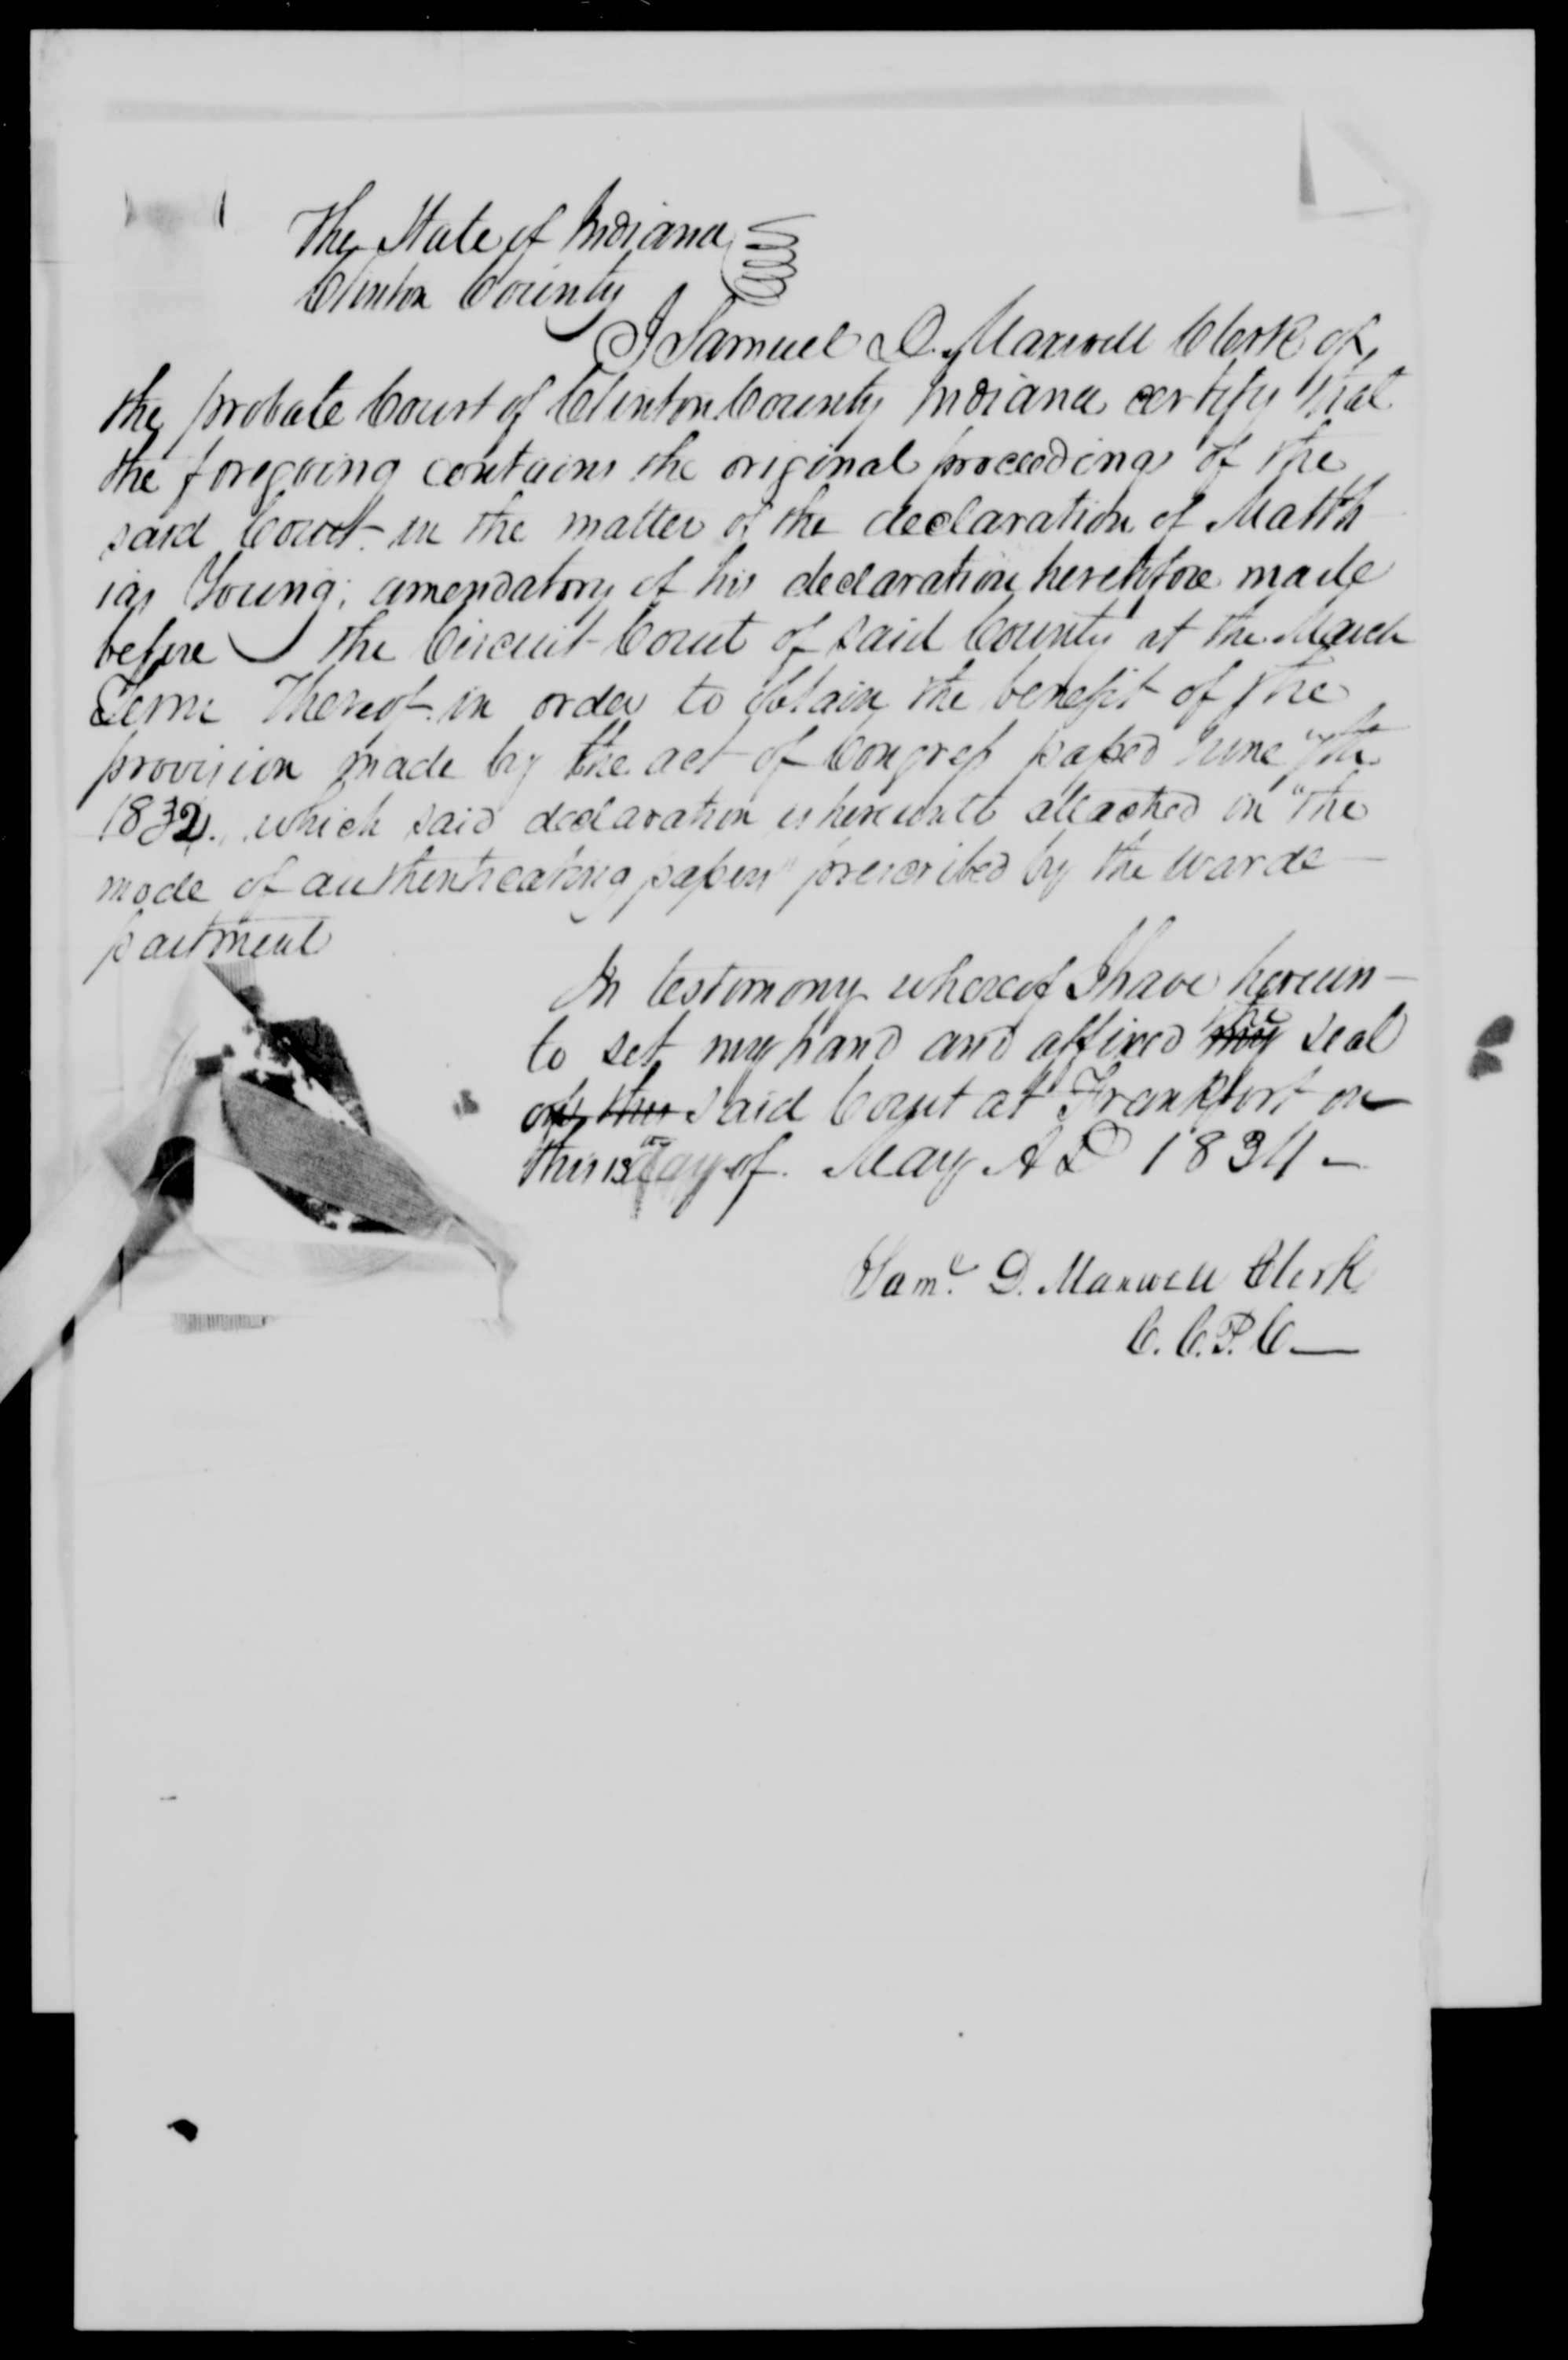The State of Indiana Clinton County ss
I Samuel D. Maxwell Clerk of
the Probate Court of Clinton County Indiana certify that the foregoing contains the original proceedings of the said Court in the matter of the declaration of Matthias Young; amendatory of his declaration heretofore made 
before the Circuit Court of said County at the March
Term thereof in order to obtain the benefit of the
provision made by the act of Congress passed June 7th 1832. which said declaration is herewith attached in the mode of authenticating papers prescribed by the war department.
In testimony whereof I have hereunto
set my hand and affixed the seal
of the said Court at Frankfort on this 13 
day of May AD 1834-
Saml D. Maxwell Clerk
C.C.P.C.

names: Samuel D Maxwell, Matthias Young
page: 11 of 123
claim: rejected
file: R. 11,949, Matthias Young, Md.